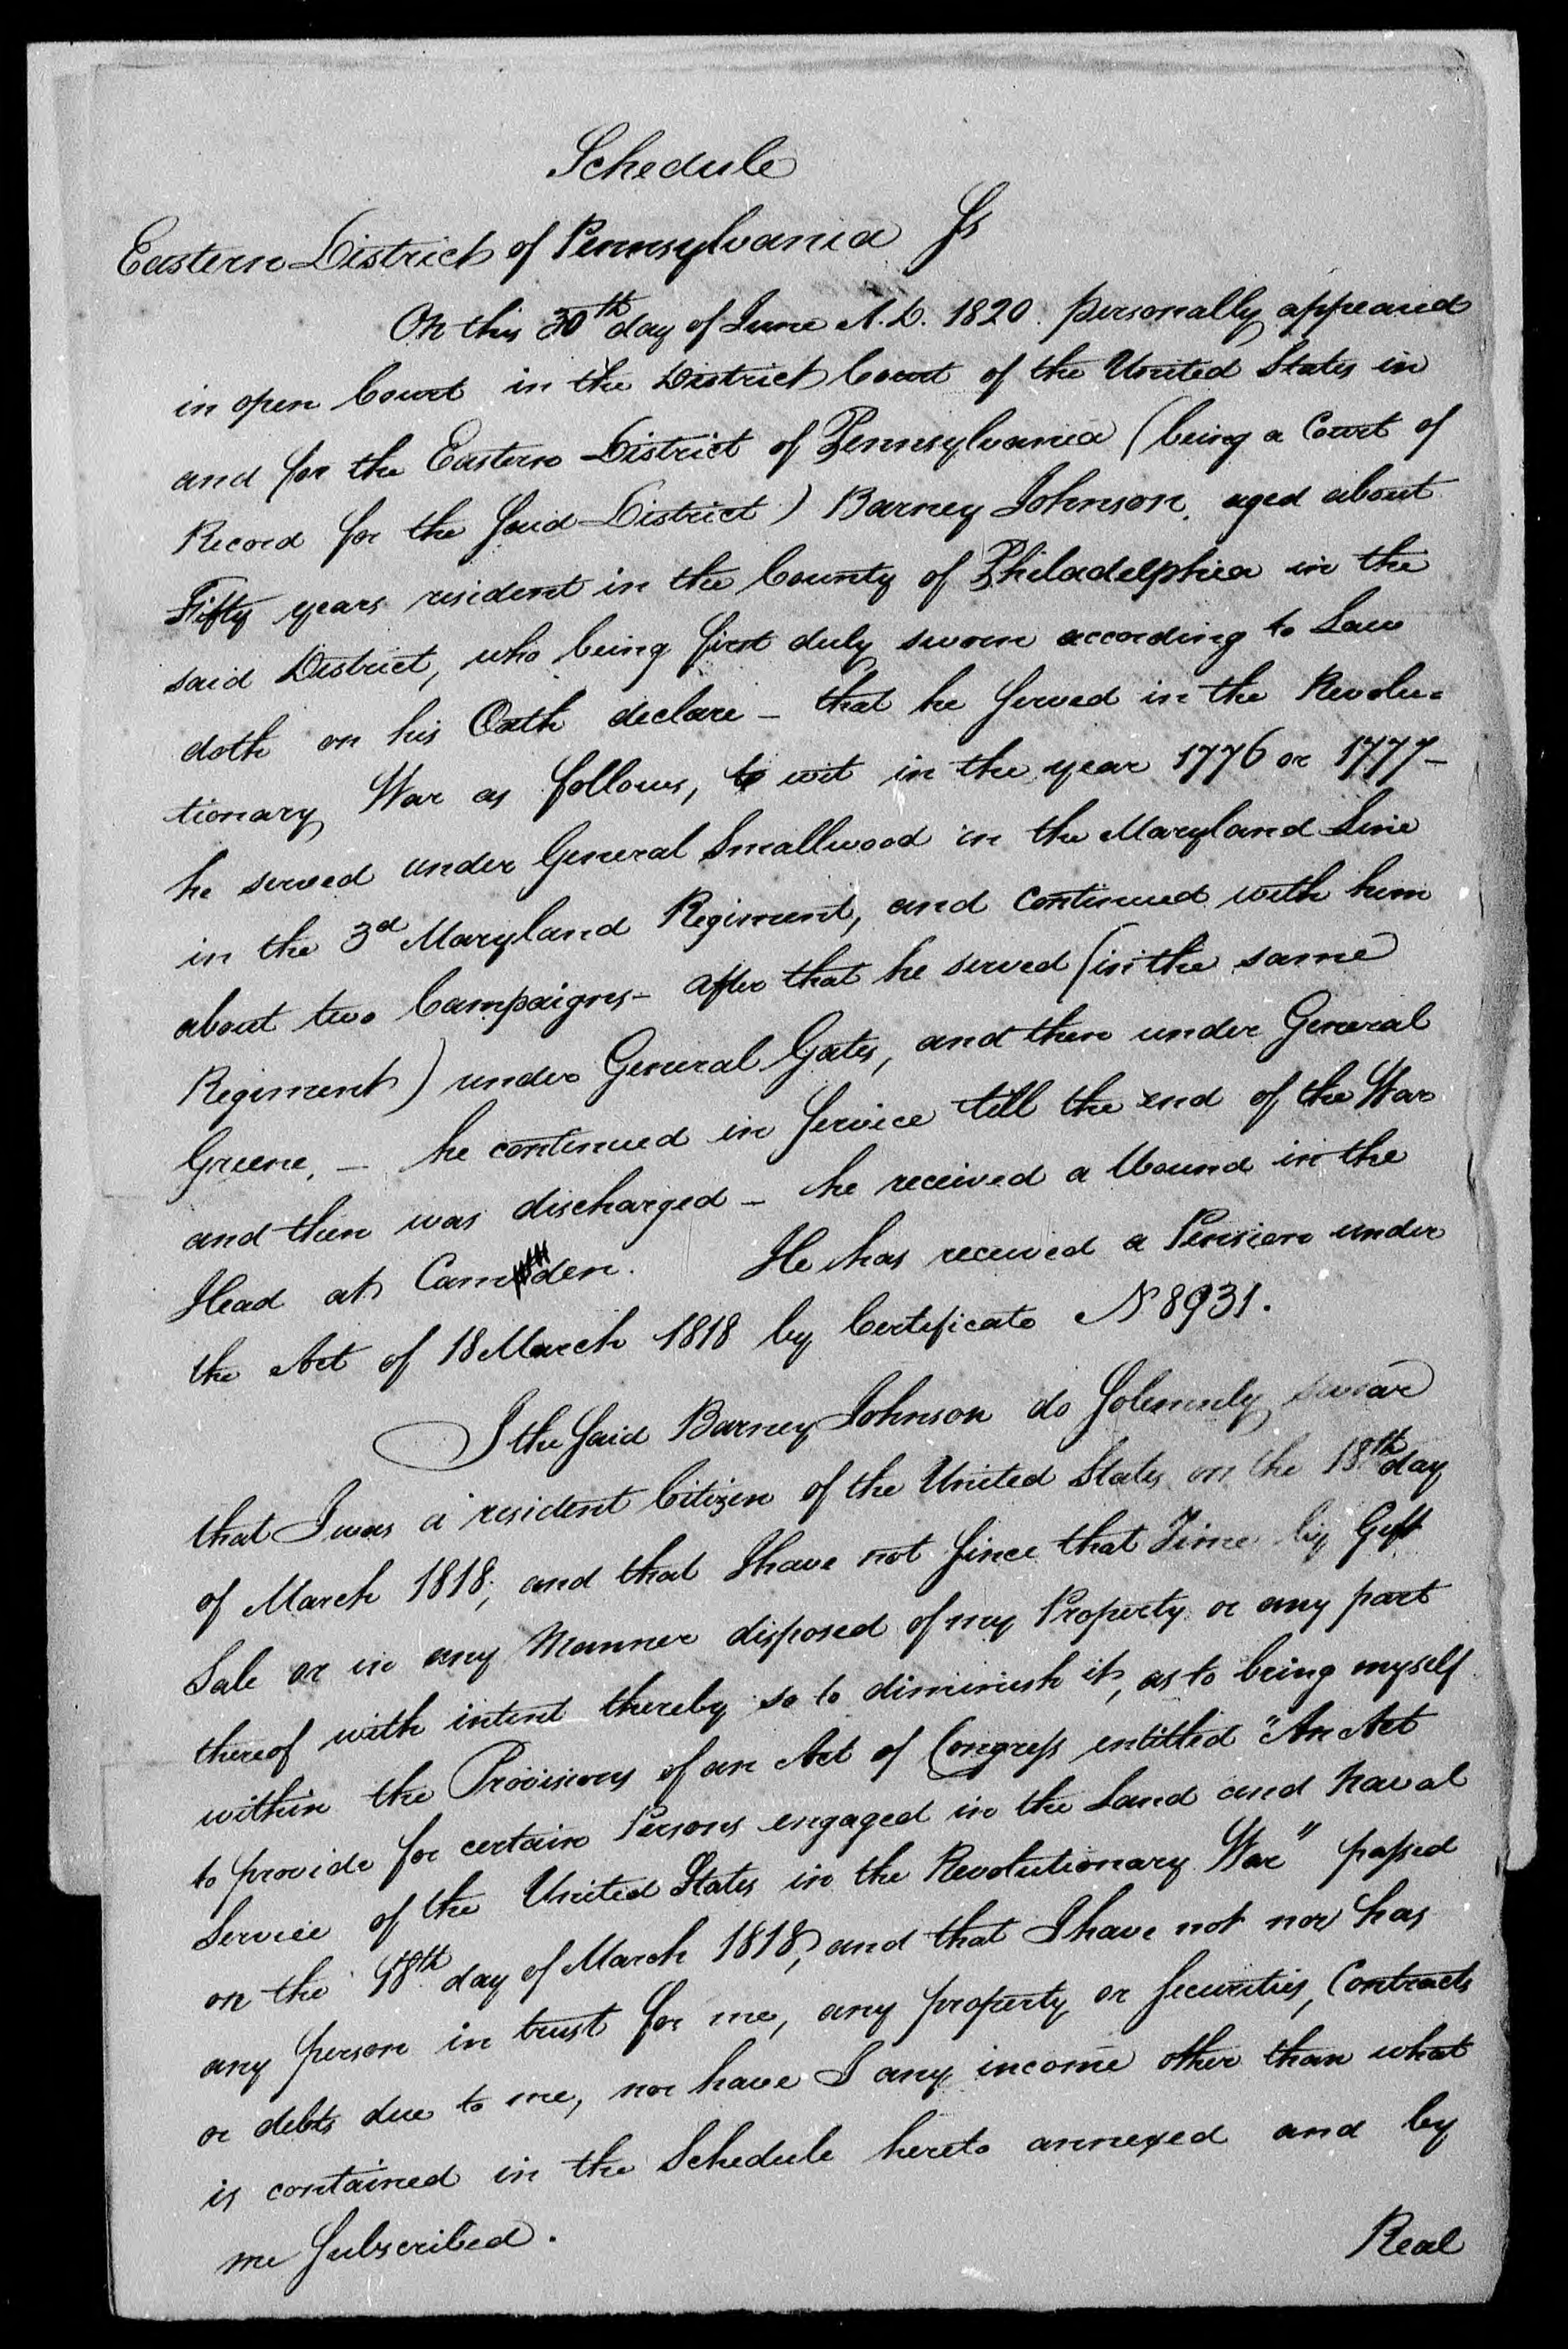Schedule
Eastern District of Pennsylvania

On this 30th day of June AD 1820 personally appeared in open court in the District Court of the United States in and for the Eastern District of Pennsylvania (being a court of record for the said district) Barney Johnson aged about fifty years resident in the county of Philadelphia in the said district, who being first duly sworn according to law doth on his oath declare - that he served in the Revolutionary War as follows to wit - in the year 1776 or 1777 he served under General Smallwood in the Maryland Line in the 3rd Maryland Regiment and continued with him about two campaigns - after that he served in the same regiment under General Gates and then under General Greene - he continued in service till the end of the war and then was discharged - he received a wound in the head at Camden. He has received a pension under the act of 18 March 1818 by certificate No 8931.

I the said Barney Johnson do solemnly swear that I was a resident citizen of the United States on the 18th day of March 1818 and that I have not since that time by gift sale or in any manner disposed of my property or any part thereof with intent thereby so to diminish it as to bring myself within the provisions of an Act of congress entitled "An act to provide for certain persons engaged in the land and naval service of the United States in the Revolutionary War" passed on the 18th day of March 1818 and that I have not nor has any person in trust for me any property or securities, contracts of debts due to me nor have I any income other than what is contained in the schedule hereto annexed and by me subscribed.

Real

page: 8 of 11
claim: survivor's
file: S. 39,783, for Barny Johnson, Maryland